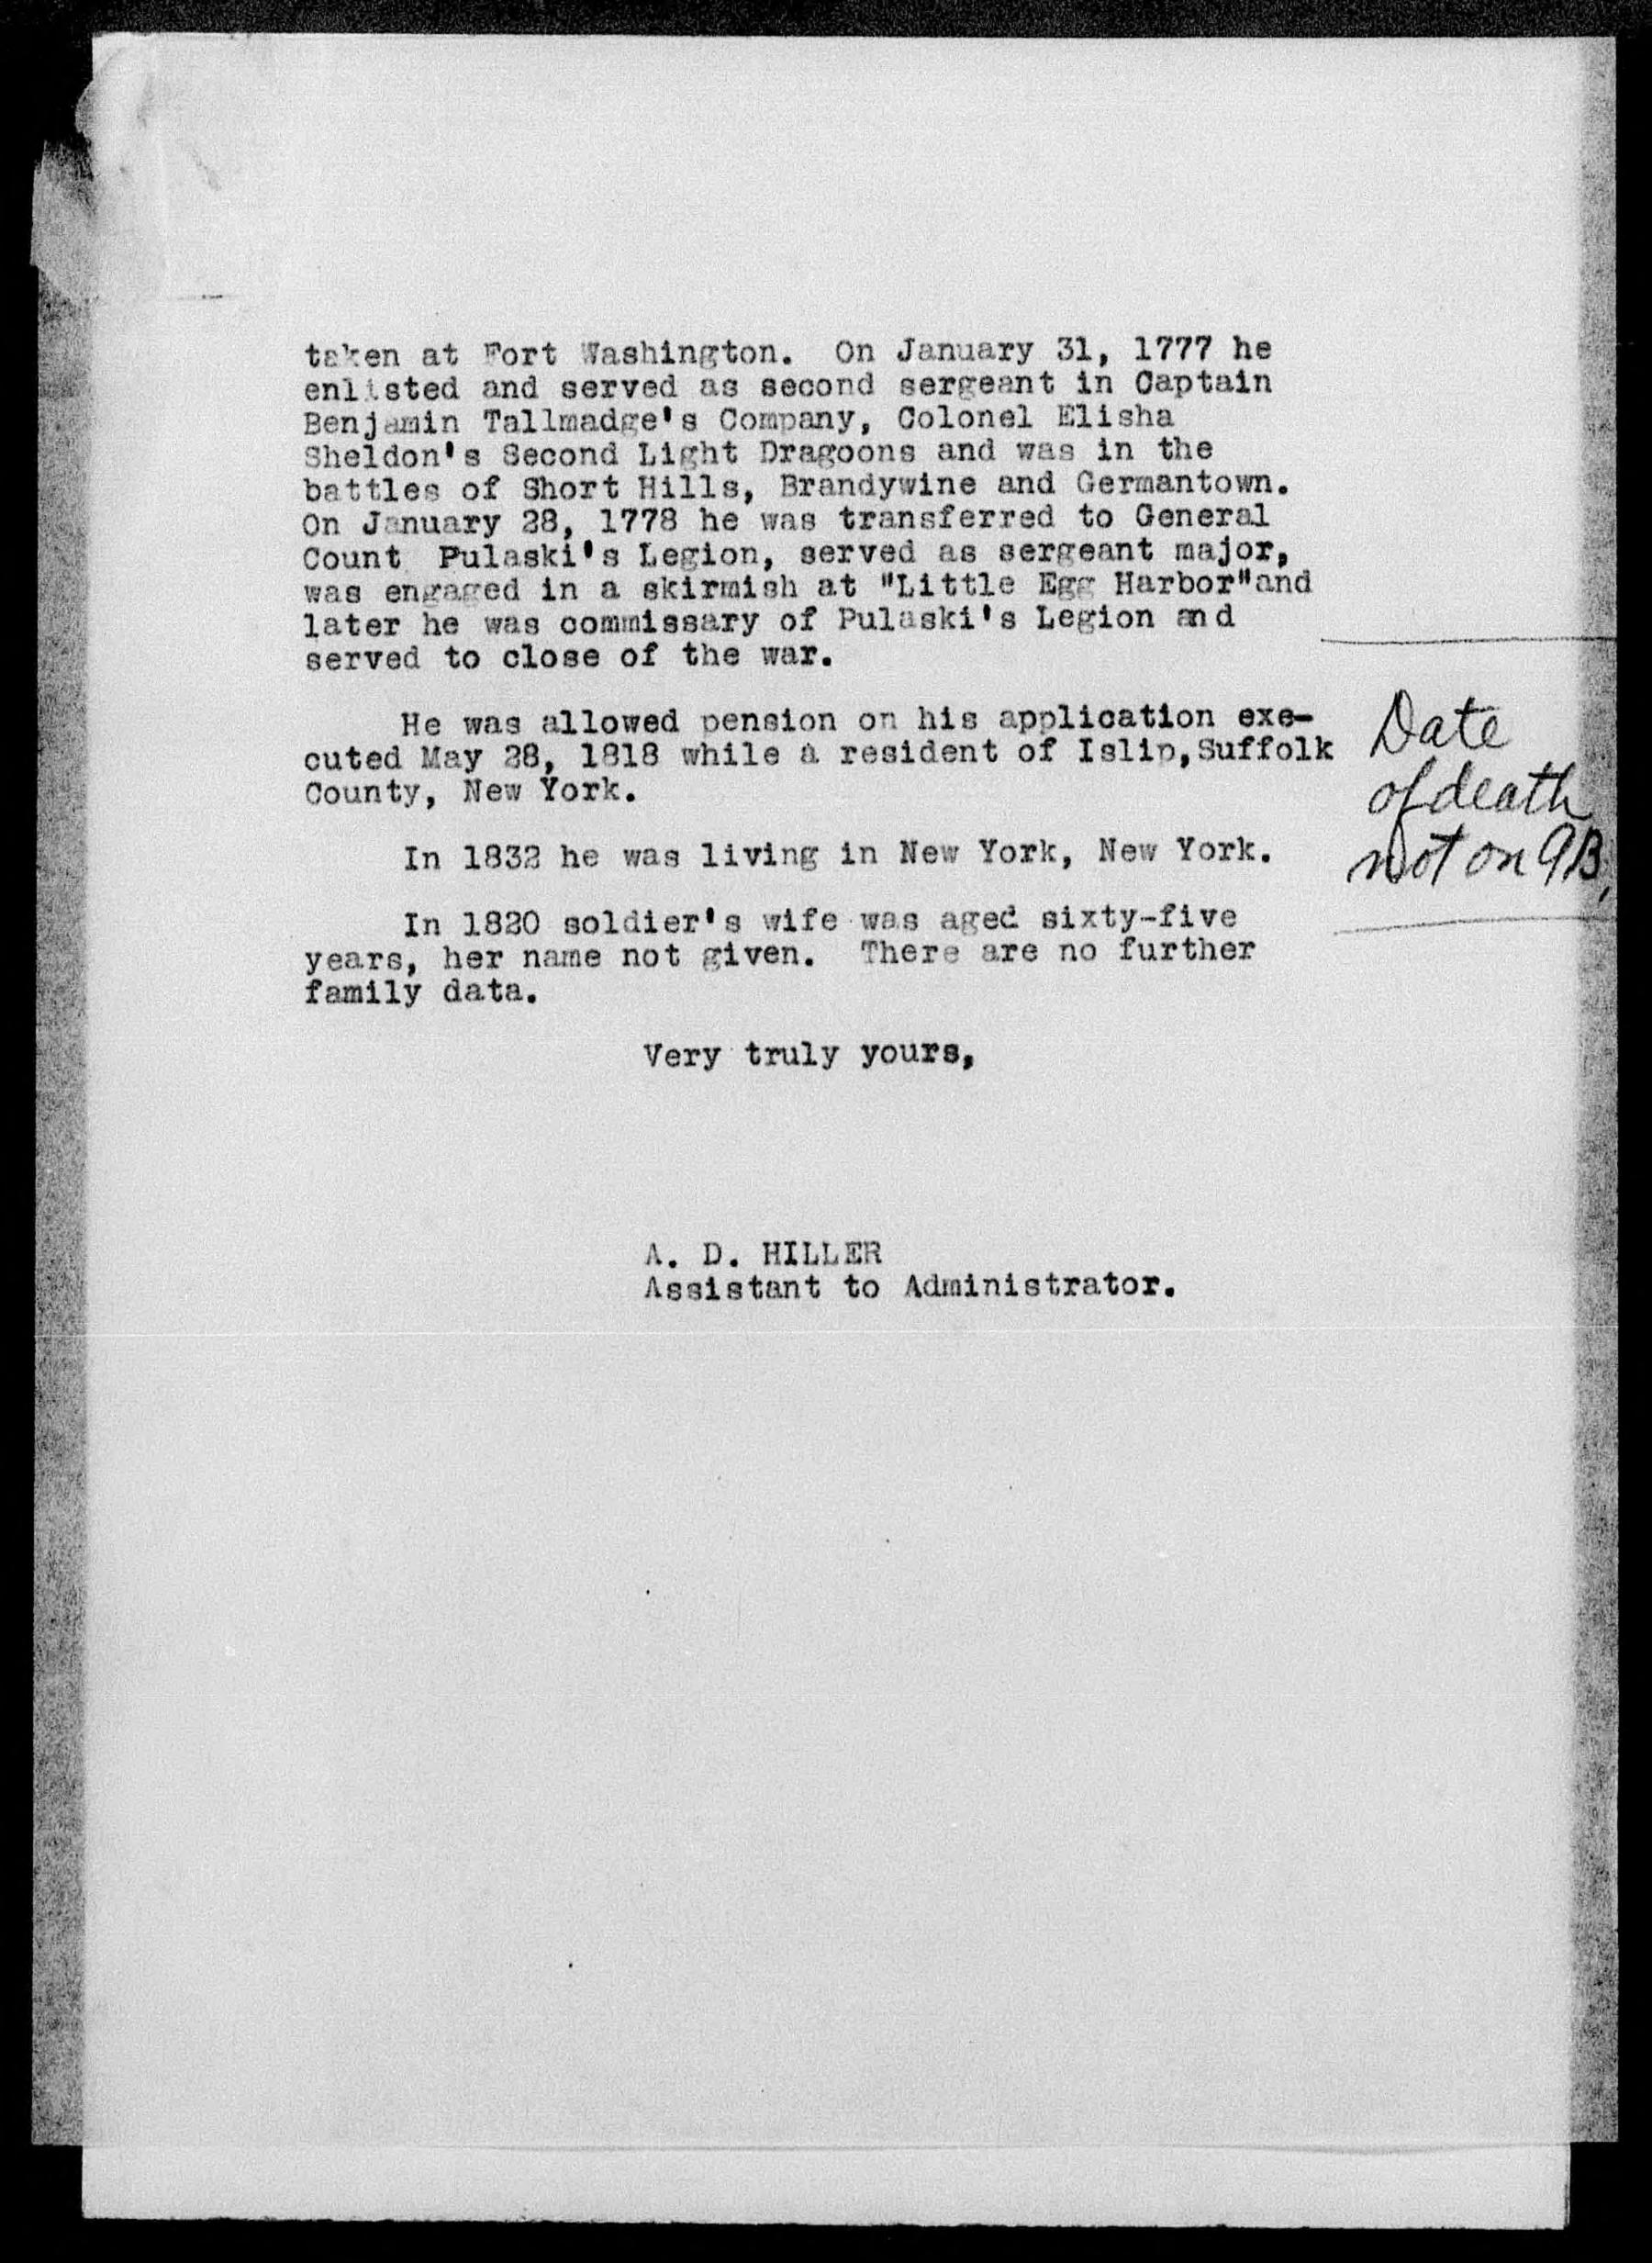taken at Fort Washington. On January 31, 1777 he enlisted and served as second sergeant in Captain Benjamin Tallmadge's Company, Colonel Elisha Sheldon's Second Light Dragoons and was in the battles of Short Hills, Brandywine and Germantown. On January 28, 1778 he was transferred to General County Pulaski's Legion, served as sergeant major, was engaged in a skirmish at "Little Egg Harbor" and later he was commissary of Pulaski's Legion and served to close of the war.
He was allowed pension on his application executed May 28, 1818 while a resident of Islip, Suffolk County, New York.
[handwritten in right margin] Date of death not on 9B,
In 1832 he was living in New York, New York.
In 1820 soldier's wife was aged sixty-five years, her name not given. There are no further family data.

Very truly yours,

A. D. HILLER
Assistant to Administrator.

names: A D Hiller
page: 12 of 28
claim: survivor's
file: S. 12569, Joseph Cone, Conn Continental